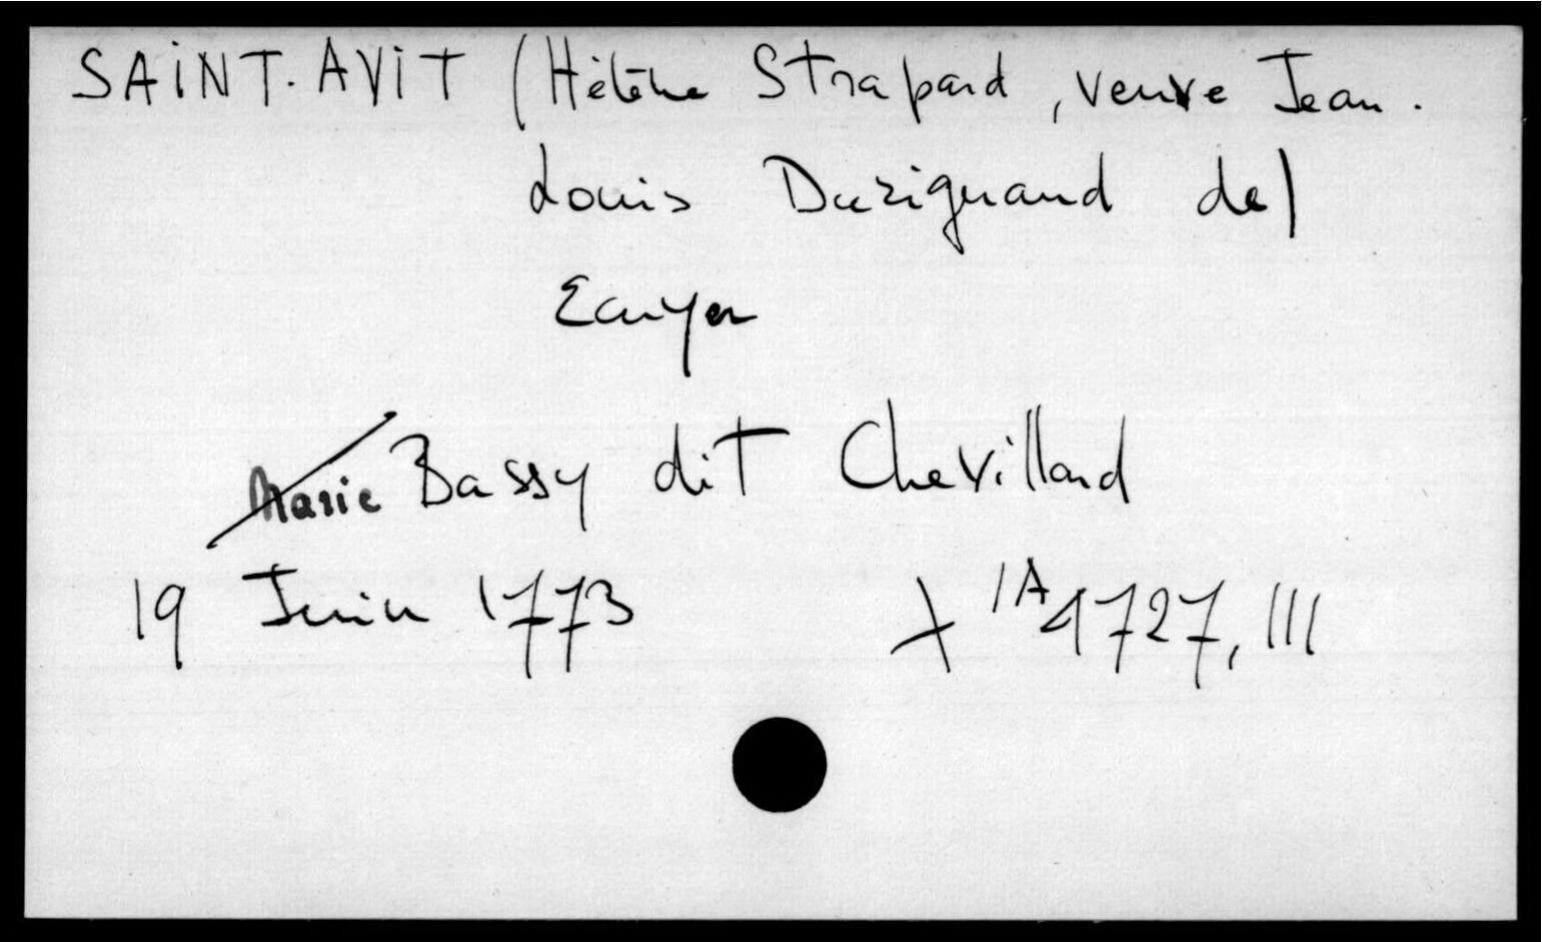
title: SAINT-AVIT (Hélène Strapard, veuve Jean-Louis Duriguand de) écuyer
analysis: Contre Marie Bassy dit Chevillard
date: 19 juin 1773
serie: X1A
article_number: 4727
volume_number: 111
